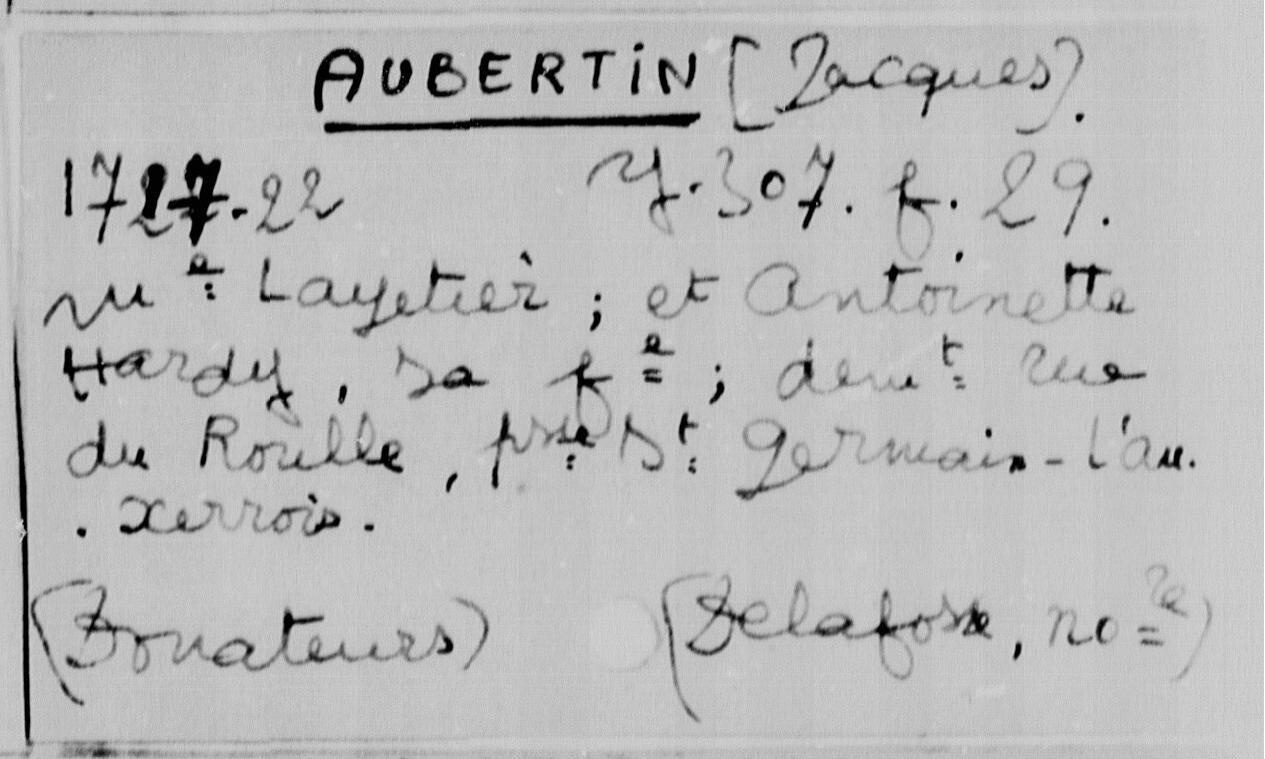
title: AUBERTIN (Jacques)
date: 1722-1727
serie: Y
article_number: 307
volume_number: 29
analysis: Maître layetier ; et Antoinette HARDY, sa femme, demeurant rue du Roulle, paroisse Saint-Germain-l'Auxerrois. Donateurs. Delafosse, notaire.
